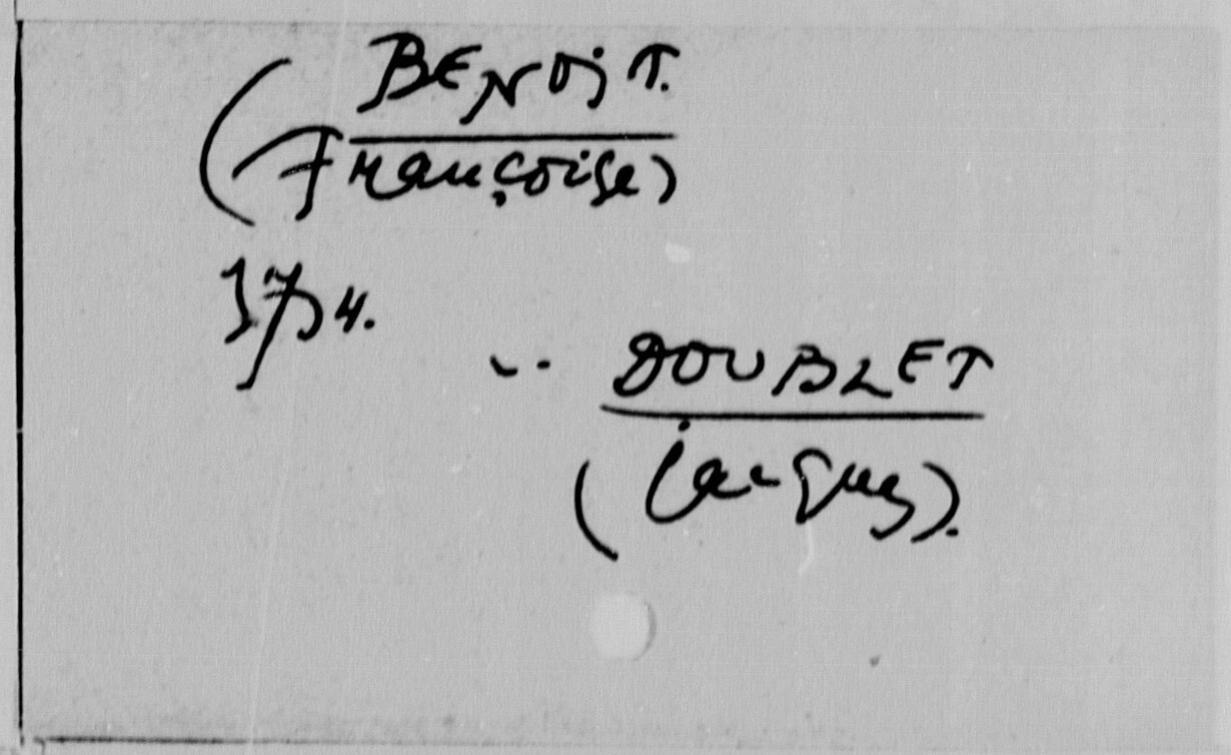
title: BENOIT (Françoise)
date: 1714
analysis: Voir : DOUBLET (Jacques)
